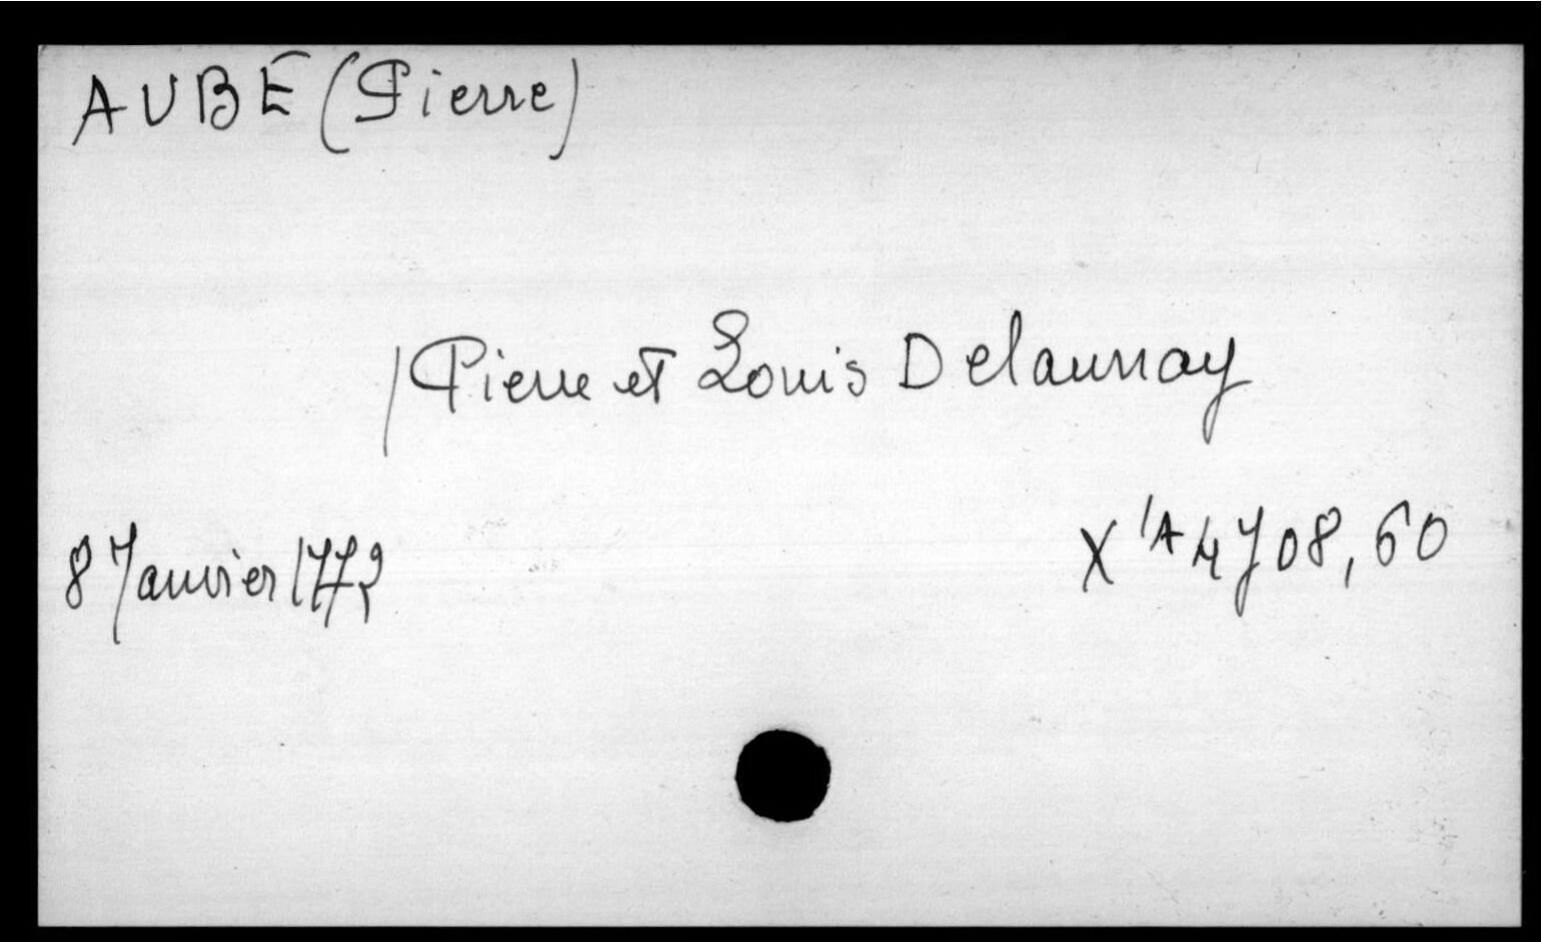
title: AUBE (Pierre)
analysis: Contre Pierre et Louis Delaunay
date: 8 janvier 1772
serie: X1A
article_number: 4708
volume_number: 60
